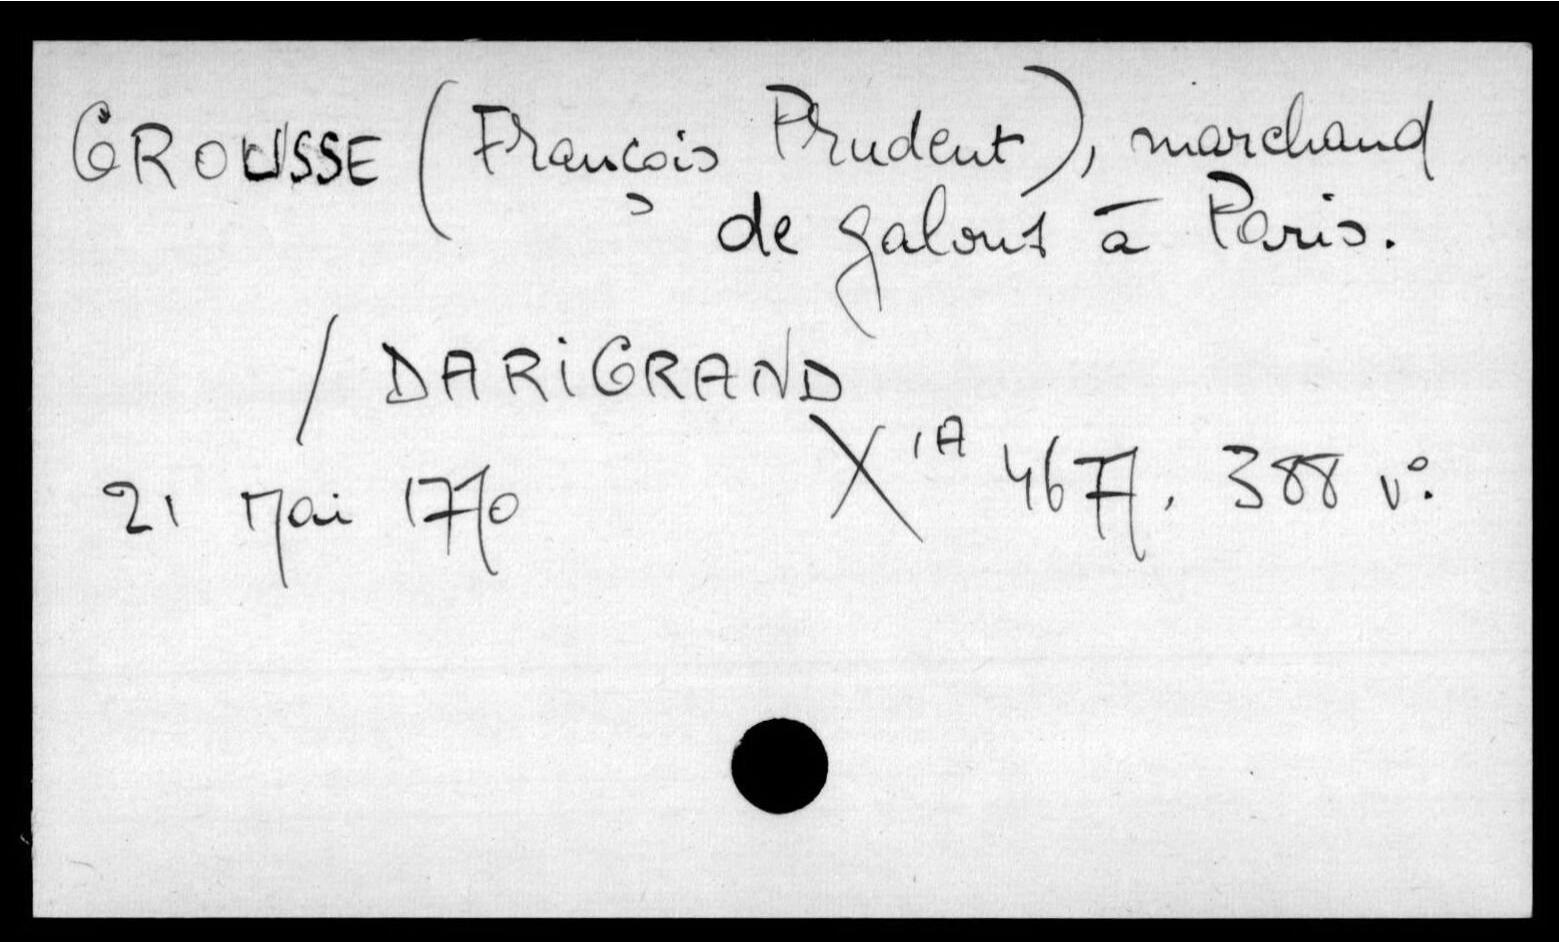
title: GROUSSE (François Prudent), marchand de galons à Paris.
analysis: Contre DARIGRAND
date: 21 mai 1770
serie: X1A
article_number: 4677
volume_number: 388v
